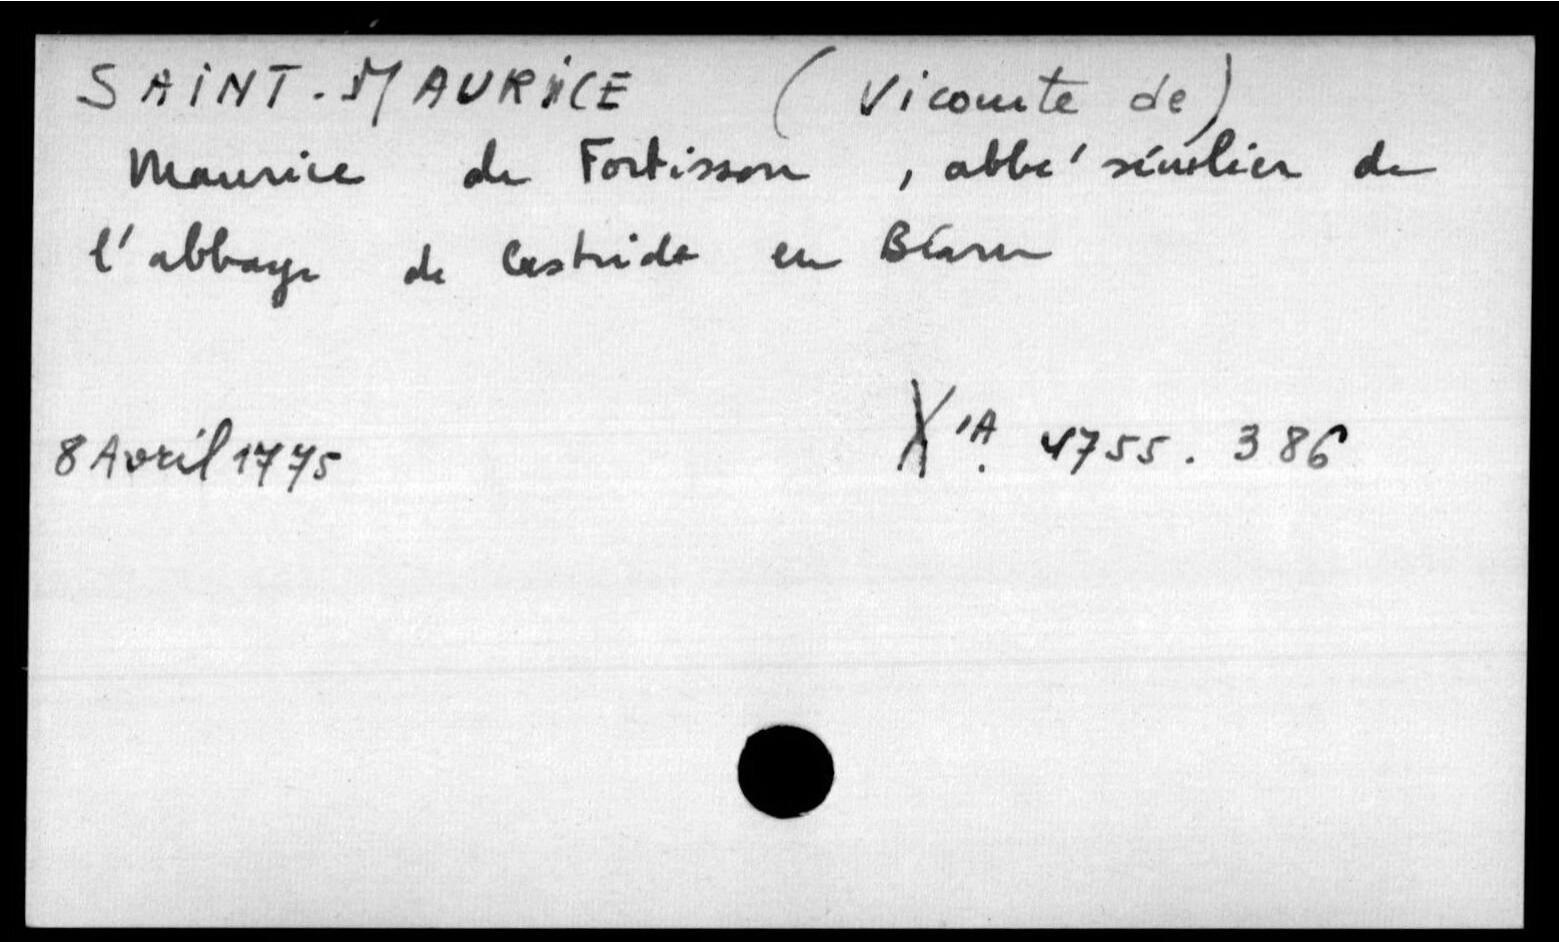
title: SAINT-MAURICE (Vicomte de) Maurice de Fortisson, abbé séculier de l'abbaye de Castride en Béarn
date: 8 avril 1775
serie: X1A
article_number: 4755
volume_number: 386
